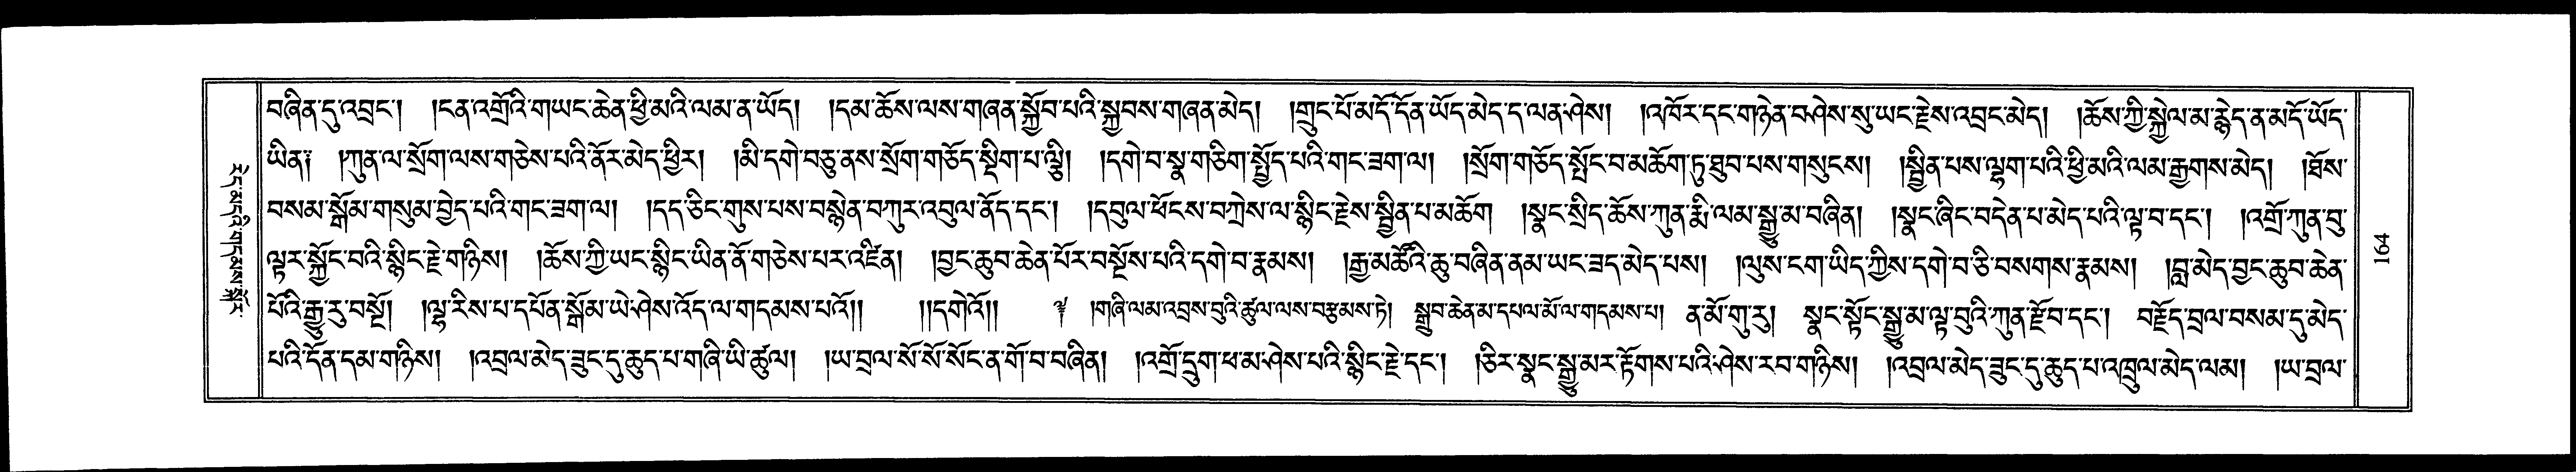བཞིན་དུ་འབྲང་། །ངན་འགྲོའི་གཡང་ཆེན་ཕྱི་མའི་ལམ་ན་ཡོད། །དམ་ཆོས་ལས་གཞན་སྐྱོབ་པའི་སྐྱབས་གཞན་མེད། །གྲུང་པོ་མདོ་དོན་ཡོད་མེད་ད་ལན་ཤེས། །འཁོར་དང་གཉེན་བཤེས་སུ་ཡང་རྗེས་འབྲང་མེད། །ཆོས་ཀྱི་སྐྱེལ་མ་རྙེད་ན་མདོ་ཡོད་
ཡིན། །ཀུན་ལ་སྲོག་ལས་གཅེས་པའི་ནོར་མེད་ཕྱིར། །མི་དགེ་བཅུ་ནས་སྲོག་གཅོད་སྡིག་པ་ལྕི། །དགེ་བ་སྣ་གཅིག་སྤྱོད་པའི་གང་ཟག་ལ། །སྲོག་གཅོད་སྤོང་བ་མཆོག་ཏུ་ཐུབ་པས་གསུངས། །སྦྱིན་པས་ལྷག་པའི་ཕྱི་མའི་ལམ་རྒྱགས་མེད། །ཐོས་
བསམ་སྒོམ་གསུམ་བྱེད་པའི་གང་ཟག་ལ། །དད་ཅིང་གུས་པས་བསྙེན་བཀུར་འབུལ་ནོད་དང་། །དབུལ་ཕོངས་བཀྲེས་ལ་སྙིང་རྗེས་སྦྱིན་པ་མཆོག །སྣང་སྲིད་ཆོས་ཀུན་རྨི་ལམ་སྒྱུ་མ་བཞིན། །སྣང་ཞིང་བདེན་པ་མེད་པའི་ལྟ་བ་དང་། །འགྲོ་ཀུན་བུ་
ལྟར་སྐྱོང་བའི་སྙིང་རྗེ་གཉིས། །ཆོས་ཀྱི་ཡང་སྙིང་ཡིན་ནོ་གཅེས་པར་འཛིན། །བྱང་ཆུབ་ཆེན་པོར་བསྔོས་པའི་དགེ་བ་རྣམས། །རྒྱ་མཚོའི་ཆུ་བཞིན་ནམ་ཡང་ཟད་མེད་པས། །ལུས་ངག་ཡིད་ཀྱིས་དགེ་བ་ཅི་བསགས་རྣམས། །བླ་མེད་བྱང་ཆུབ་ཆེན་
པོའི་རྒྱུ་རུ་བསྔོ། །ལྷ་རིས་པ་དཔོན་སྒོམ་ཡེ་ཤེས་འོད་ལ་གདམས་པའོ།། །།དགེའོ།། ༈ །གཞི་ལམ་འབྲས་བུའི་ཚུལ་ལས་བརྩམས་ཏེ། སྒྲུབ་ཆེན་མ་དཔལ་མོ་ལ་གདམས་པ། །ན་མོ་གུ་རུ། སྣང་སྟོང་སྒྱུ་མ་ལྟ་བུའི་ཀུན་རྫོབ་དང་། །བརྗོད་བྲལ་བསམ་དུ་མེད་
པའི་དོན་དམ་གཉིས། །འབྲལ་མེད་དུ་ཟུང་དུ་ཆུད་པ་གཞི་ཡི་ཚུལ། །ཡ་བྲལ་སོ་སོ་སོང་ན་གོ་བ་བཞིན། །འགྲོ་དྲུག་ཕ་མ་ཤེས་པའི་སྙིང་རྗེ་དང་། །ཅིར་སྣང་སྒྱུ་མར་རྟོགས་པའི་ཤེས་རབ་གཉིས། །འབྲལ་མེད་ཟུང་དུ་ཆུད་པ་འཁྲུལ་མེད་ལམ། །ཡ་བྲལ་